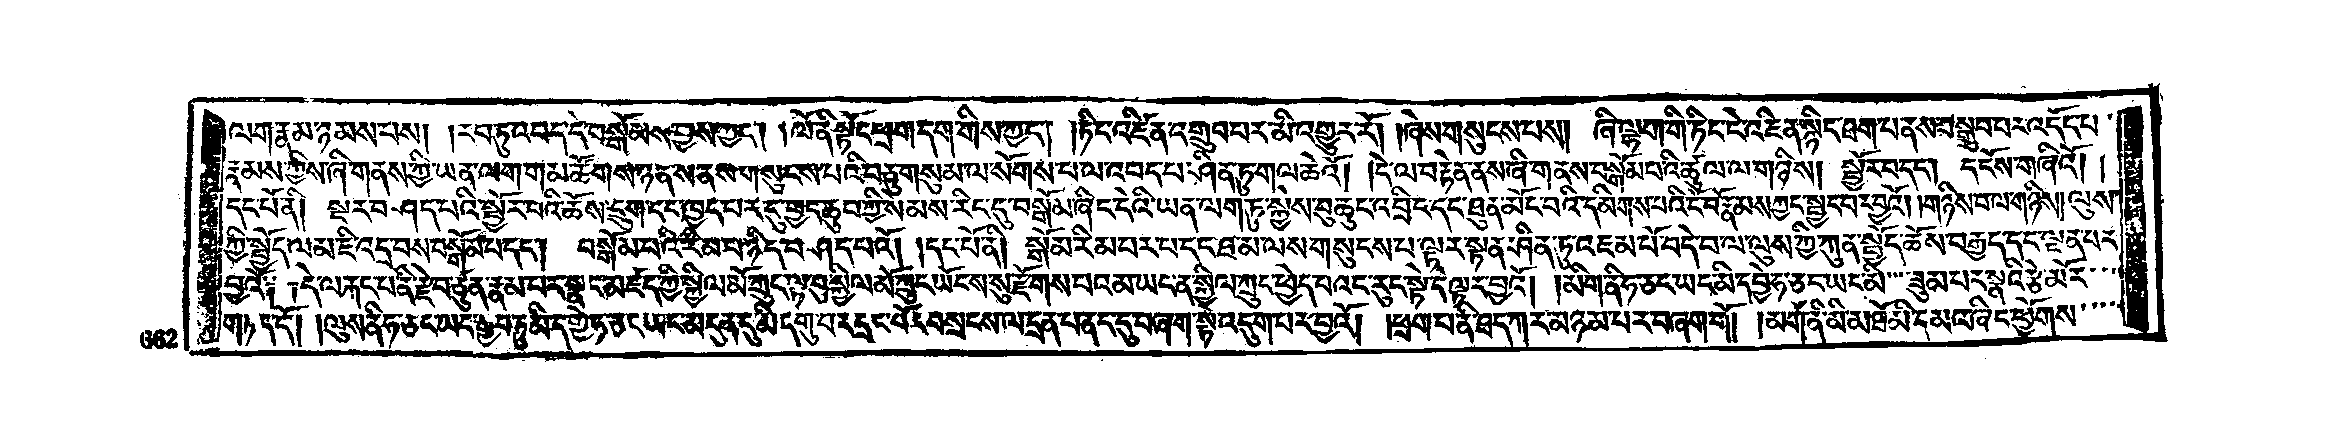ལག་རྣམ་ཉམས་པས། །རབ་ཏུ་འབད་དེ་བསྒོམས་བྱས་ཀྱང་། །ལོ་ནི་སྟོང་ཕྲག་དག་གིས་ཀྱང་། །ཏིང་འཛིན་འགྲུབ་པར་མི་འགྱུར་རོ། །ཞེས་གསུངས་པས། ཞི་ལྷག་གི་ཏིང་ངེ་འཛིན་སྙིང་ཐག་པ་ནས་བསྒྲུབ་པར་འདོད་པ་
རྣམས་ཀྱིས་ཞི་གནས་ཀྱི་ཡན་ལག་གམ་ཚོགས་ཉན་ས་ནས་གསུངས་པའི་བཅུ་གསུམ་ལ་སོགས་པ་ལ་འབད་པ་ཤིན་ཏུ་གལ་ཆེའོ། །དེ་ལ་བརྟེན་ནས་ཞི་གནས་བསྒོམ་པའི་ཚུལ་ལ་གཉིས། སྦྱོར་བ་དང་། དངོས་གཞིའོ། །
དང་པོ་ནི། སྔར་བཤད་པའི་སྦྱོར་བའི་ཆོས་དྲུག་དང་ཁྱད་པར་དུ་བྱང་ཆུབ་ཀྱི་སེམས་རིང་དུ་བསྒོམ་ཞིང་དེའི་ཡན་ལག་ཏུ་སྐྱེས་བུ་ཆུང་འབྲིང་དང་ཐུན་མོང་བའི་དམིགས་པའི་ངོ་བོ་རྣམས་ཀྱང་སྦྱང་བར་བྱའོ། །གཉིས་པ་ལ་གཉིས། ལུས་
ཀྱི་སྤྱོད་ལམ་ཇི་འདྲ་བས་བསྒོམ་པ་དང་། བསྒོམ་པའི་རིམ་པ་ཉིད་བཤད་པའོ། །དང་པོ་ནི། སྒོམ་རིམ་པར་པ་དང་ཐ་མ་ལས་གསུངས་པ་ལྟར་སྟན་ཤིན་ཏུ་འཇམ་པོ་བདེ་བ་ལ་ལུས་ཀྱི་ཀུན་སྤྱོད་ཆོས་བརྒྱད་དང་ལྡན་པར་
བྱའོ༑ ༑དེ་ལ་རྐང་པ་ནི་རྗེ་བཙུན་རྣམ་པར་སྣང་མཛད་ཀྱི་སྐྱིལ་མོ་ཀྲུང་ལྟ་བུ་སྐྱིལ་མོ་ཀྲུང་ཡོངས་སུ་རྫོགས་པའམ་ཡང་ན་སྐྱིལ་ཀྲུང་ཕྱེད་པའང་རུང་སྟེ་དེ་ལྟར་བྱའོ། །མིག་ནི་ཧ་ཅང་ཡང་མི་དབྱེ་ཧ་ཅང་ཡང་མི་ཟུམ་པར་སྣའི་རྩེ་མོར་
གཏད་དོ། །ལུས་ནི་ཧ་ཅང་ཡང་རྒྱབ་ཏུ་མི་དགྱེ་ཧ་ཅང་ཡང་མདུན་དུ་མི་དགུ་བར་དྲང་པོར་བསྲངས་ལ་དྲན་པ་ནང་དུ་བཞག་སྟེ་འདུག་པར་བྱའོ། །ཕྲག་པ་ནི་ཐད་ཀར་མཉམ་པར་བཞག་གོ། །མགོ་ནི་མི་མཐོ་མི་དམའ་ཞིང་ཕྱོགས་